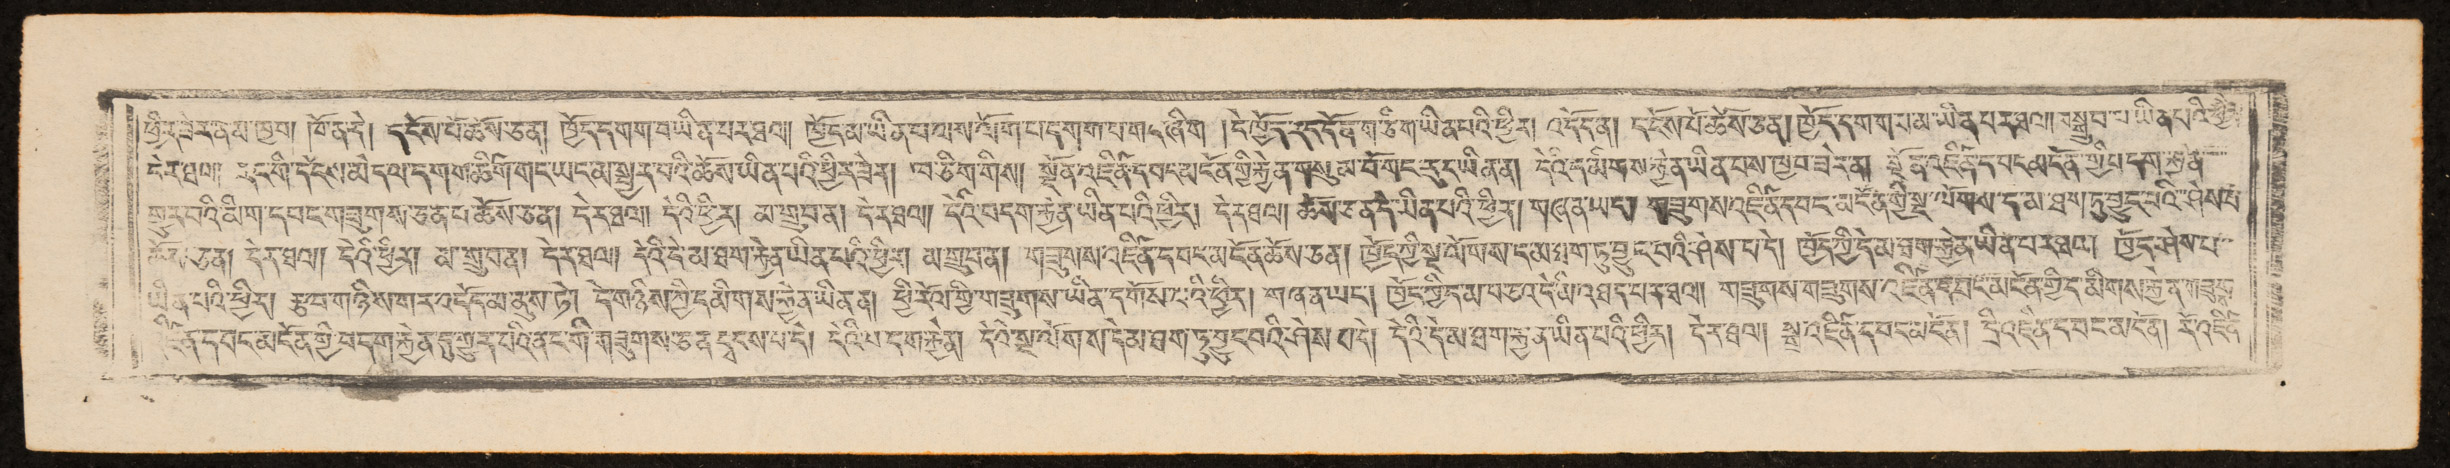ཕྱིར་ཟེར་ན་མ་ཁྱབ། ཁོ་ན་རེ། དངོས་པོ་ཆོས་ཅན། ཁྱོད་དགག་པ་ཡིན་པར་ཐལ། ཁྱོད་མ་ཡིན་པ་ལས་ལོག་པ་དགག་པ་གང་ཞིག །དེ་ཁྱོད་དང་དོན་གཅིག་ཡིན་པའི་ཕྱིར། འདོད་ན། དངོས་པོ་ཆོས་ཅན། ཁྱོད་དགག་པ་མ་ཡིན་པར་ཐལ། སྒྲུབ་པ་ཡིན་པའི་ཕྱིར།
དེར་ཐལ། རང་གི་དངོས་མིང་ལ་དགག་ཚིག་གང་ཡང་མ་སྦྱར་བའི་ཆོས་ཡིན་པའི་ཕྱིར་ཟེར། ཁ་ཅིག་གིས། སྔོན་འཛིན་དབང་མངོན་གྱི་རྐྱེན་གསུམ་པོ་གང་རུང་ཡིན་ན། དེའི་དམིགས་རྐྱེན་ཡིན་པས་ཁྱབ་ཟེར་ན། སྔོན་འཛིན་དབང་མངོན་གྱི་བདག་རྐྱེན་དུ་
གྱུར་པའི་མིག་དབང་གཟུགས་ཅན་པ་ཆོས་ཅན། དེར་ཐལ། དེའི་ཕྱིར། མ་གྲུབ་ན། དེར་ཐལ། དེའི་བདག་རྐྱེན་ཡིན་པའི་ཕྱིར། དེར་ཐལ། ཆོས་ཅན་དེ་ཡིན་པའི་ཕྱིར། གཞན་ཡང་། གཟུགས་འཛིན་དབང་མངོན་གྱི་སྔ་ལོགས་དེ་མ་ཐག་ཏུ་བྱུང་བའི་ཤེས་པ་
ཆོས་ཅན། དེར་ཐལ། དེའི་ཕྱིར། མ་གྲུབ་ན། དེར་ཐལ། དེའི་དེ་མ་ཐག་རྐྱེན་ཡིན་པའི་ཕྱིར། མ་གྲུབ་ན། གཟུགས་འཛིན་དབང་མངོན་ཆོས་ཅན། ཁྱོད་ཀྱི་སྔ་ལོགས་དེ་མ་ཐག་ཏུ་བྱུང་བའི་ཤེས་པ་དེ། ཁྱོད་ཀྱི་དེ་མ་ཐག་རྐྱེན་ཡིན་པར་ཐལ། ཁྱོད་ཤེས་པ་
ཡིན་པའི་ཕྱིར། རྩ་བ་གཉིས་ཀར་འདོད་མི་ནུས་ཏེ། དེ་གཉིས་ཀྱི་དམིགས་རྐྱེན་ཡིན་ན། ཕྱི་རོལ་གྱི་གཟུགས་ཡིན་དགོས་པའི་ཕྱིར། གཞན་ཡང་། ཁྱོད་ཀྱི་དམ་བཅའ་དེ་མི་འཐད་པར་ཐལ། གཟུགས་གཟུགས་འཛིན་དབང་མངོན་གྱི་དམིགས་རྐྱེན་གསུགས་
འཛིན་དབང་མངོན་གྱི་བདག་རྐྱེན་དུ་གྱུར་པའི་ནང་གི་གཟུགས་ཅན་དྭངས་པ་དེ། དེའི་བདག་རྐྱེན། དེའི་སྔ་ལོགས་དེ་མ་ཐག་ཏུ་བྱུང་བའི་ཤེས་པ་དེ། དེའི་དེ་མ་ཐག་རྐྱེན་ཡིན་པའི་ཕྱིར། དེར་ཐལ། སྒྲ་འཛིན་དབང་མངོན། དྲི་འཛིན་དབང་མངོན། རོ་འཛིན་